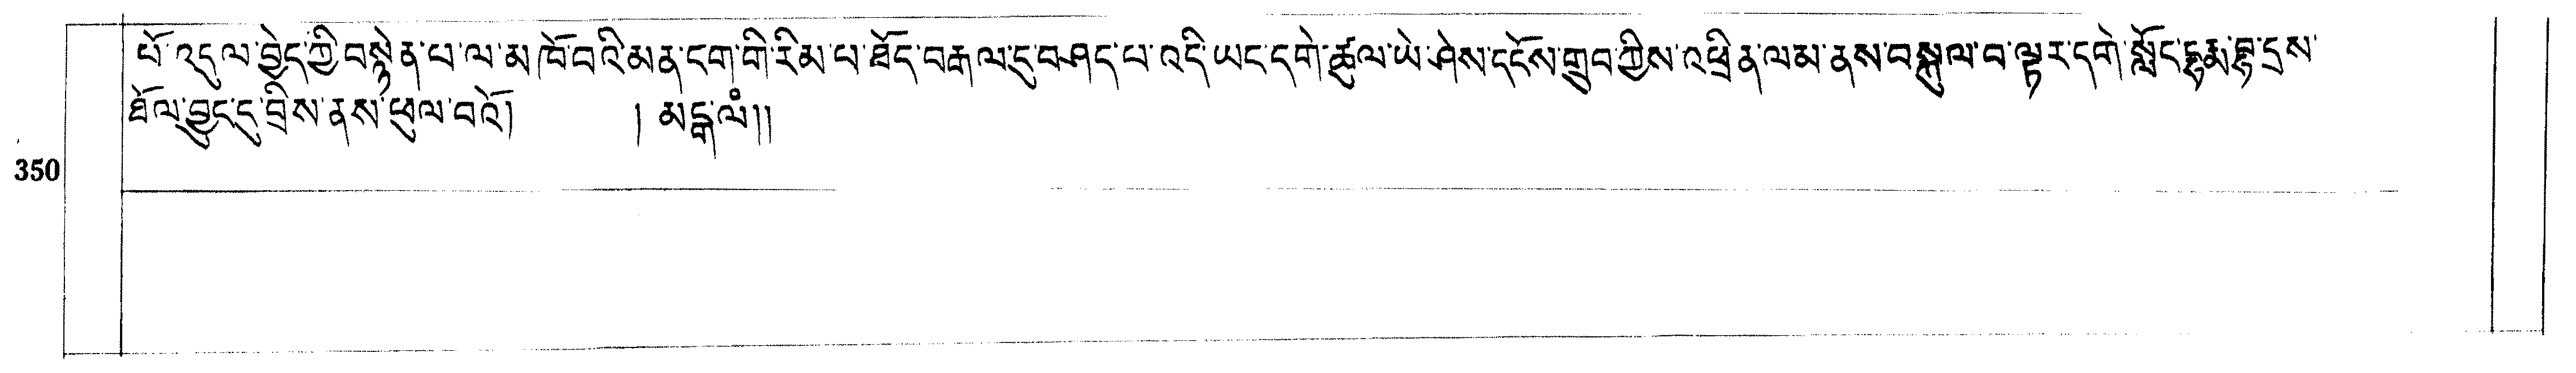པོ་འདུལ་བྱེད་ཀྱི་བསྙེན་པ་ལ་མཁོ་བའི་མན་ངག་གི་རིམ་པ་ཐོད་བརྒལ་དུ་བཤད་པ་འདི་ཡང་དགེ་ཚུལ་ཡེ་ཤེས་དངོས་གྲུབ་ཀྱིས་འཕྲིན་ལས་ནས་བསྐུལ་བ་ལྟར་དགེ་སློང་དྷརྨ་བྷ་དྲས་
ཐོལ་བྱུང་དུ་བྲིས་ནས་ཕུལ་བའོ། །མངྒ་ལཾ།།